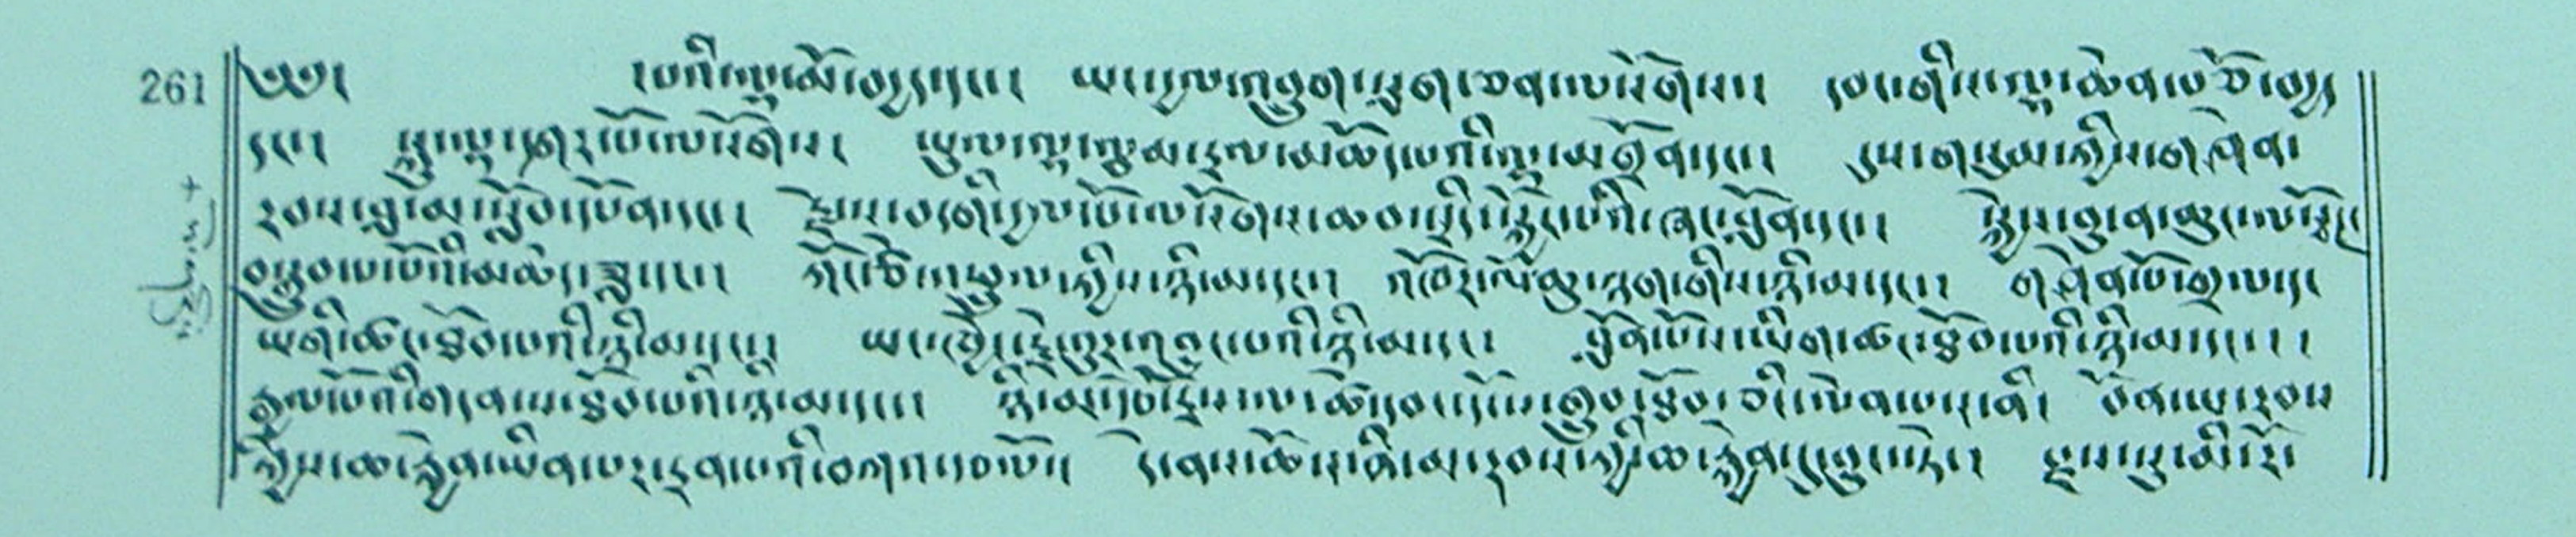༄༅། །པའི་ལྷ་མོ་བརྒྱད་དང་། ཡང་རྒྱལ་འབྲུག་སླག་ཅན་ལ་སོགས། དབང་གི་ལྷ་ཆེན་བཅོ་བརྒྱད་
དང་། སྐུ་ལྷ་དཀར་པོ་ལ་སོགས། ཡུལ་ལྷ་ལྕམ་དྲལ་མཆོད་པའི་ལྷ་མགྲོན་དང་། དུས་གསུམ་གྱི་གཤེན་
རབ་བླ་མ་སློབ་དཔོན་དང་། རྗེ་ས་བདག་གི་རྒྱལ་བོ་ལས་སོགས་ཆབ་སྲིད་སྐྱོང་པའི་ཞང་བློན་དང་། སྐྱེས་བུ་ན་ཆུང་ལས་སོགས་
སྒྲུབ་པ་པོའི་མཆེད་ཟླ་དང་། ཀོང་ཙེ་འཕྲུལ་གྱི་ཉི་མ་དང་། འཁོར་ལོ་ཆུ་ཉག་ཀྱི་ཉི་མ་དང་། གཤེན་པོ་གྲལ་དང་
ཡིག་ཚང་ཐོབ་པའི་ཉི་མ་དང་། ཡང་ཁྱེད་རྗེ་འུར་འབྱུང་བའི་ཉི་མ་དང་། བློན་པོས་ཡིག་ཚང་ཐོབ་པའི་ཉི་མ་དང་། 
རྒྱལ་བོའི་གདན་ས་ཐོབ་པའི་ཉི་མ་དང་། ཉི་མ་རྩེ་དྲོས་ལ་ཚེ་དབང་དངོས་གྲུབ་ཐོབ་ཅིང་ལེན་པས་ནི། བོན་ཡ་རབས་
ཀྱི་ཆ་རྐྱེན་ཡིན་པར་དྲན་པའི་བཀའ་སྩལ་ལོ། དེ་ནས་ཆོས་ནི་མ་རབས་ཀྱི་ཆ་རྐྱེན་དུ་བྱུང་སྟེ། རྫས་སུ་མི་རོ་